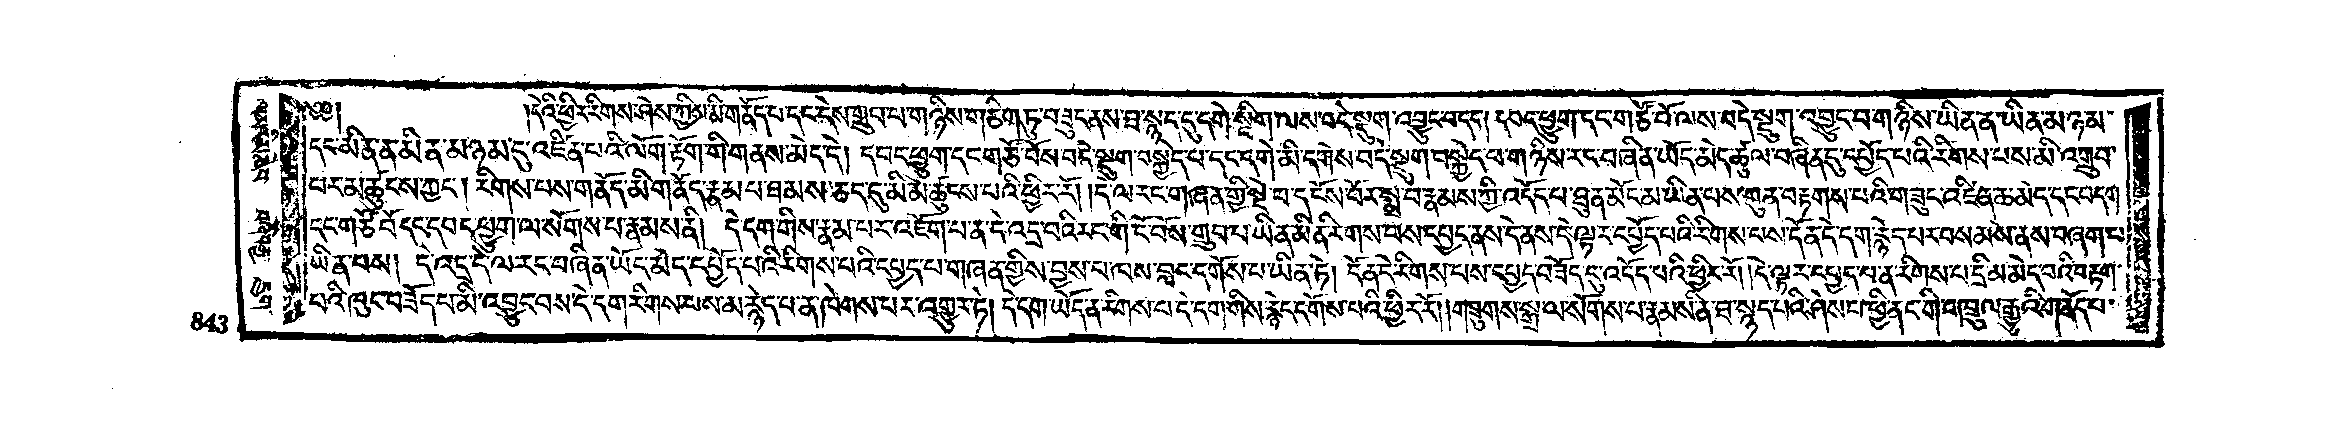༄༅། །དེའི་ཕྱིར་རིགས་ཤེས་ཀྱིས་མི་གནོད་པ་དང་དེས་གྲུབ་པ་གཉིས་གཅིག་ཏུ་བཟུང་ནས་ཐ་སྙད་དུ་དགེ་སྡིག་ལས་བདེ་སྡུག་འབྱུང་བ་དང་། དབང་ཕྱུག་དང་གཙོ་བོ་ལས་བདེ་སྡུག་འབྱུང་བ་གཉིས་ཡིན་ན་ཡིན་མཉམ་
དང་མིན་ན་མིན་མཉམ་དུ་འཛིན་པའི་ལོག་རྟོག་གི་གནས་མེད་དེ། དབང་ཕྱུག་དང་གཙོ་བོས་བདེ་སྡུག་བསྐྱེད་པ་དང་དགེ་མི་དགེས་བདེ་སྡུག་བསྐྱེད་པ་གཉིས་རང་བཞིན་ཡོད་མེད་ཚུལ་བཞིན་དུ་དཔྱོད་པའི་རིགས་པས་མི་འགྲུབ་
པར་མཚུངས་ཀྱང་། རིགས་པས་གནོད་མི་གནོད་རྣམ་པ་ཐམས་ཅད་དུ་མི་མཚུངས་པའི་ཕྱིར་རོ། །དེ་ལ་རང་གཞན་གྱི་སྡེ་པ་དངོས་པོར་སྨྲ་བ་རྣམས་ཀྱི་འདོད་པ་ཐུན་མོང་མ་ཡིན་པས་ཀུན་བརྟགས་པའི་གཟུང་འཛིན་ཆ་མེད་དང་བདག་
དང་གཙོ་བོ་དང་དབང་ཕྱུག་ལ་སོགས་པ་རྣམས་ནི། དེ་དག་གིས་རྣམ་པར་འཇོག་པ་ན་དེ་འདྲ་བའི་རང་གི་ངོ་བོས་གྲུབ་པ་ཡིན་མིན་རིགས་པས་དཔྱད་ནས་དེ་ནས་དེ་ལྟར་དཔྱོད་པའི་རིགས་པས་དོན་དེ་དག་རྙེད་པར་བསམས་ནས་བཞག་པ་
ཡིན་པས། དེ་འདྲ་དེ་ལ་རང་བཞིན་ཡོད་མེད་དཔྱོད་པའི་རིགས་པའི་དཔྱད་པ་གཞན་གྱིས་བྱས་པ་ཁས་བླང་དགོས་པ་ཡིན་ཏེ། དོན་དེ་རིགས་པས་དཔྱད་བཟོད་དུ་འདོད་པའི་ཕྱིར་རོ། །དེ་ལྟར་དཔྱད་པ་ན་རིགས་པ་དྲི་མ་མེད་པའི་བརྟག་
པའི་ཁུར་བཟོད་པ་མི་འབྱུང་བས་དེ་དག་རིགས་པས་མ་རྙེད་པ་ན་ཁེགས་པར་འགྱུར་ཏེ། དེ་དག་ཡོད་ན་རིགས་པ་དེ་དག་གིས་རྙེད་དགོས་པའི་ཕྱིར་རོ། །གཟུགས་སྒྲ་ལ་སོགས་པ་རྣམས་ནི་ཐ་སྙད་པའི་ཤེས་པ་ཕྱི་ནང་གི་འཁྲུལ་རྒྱུའི་གནོད་པ་